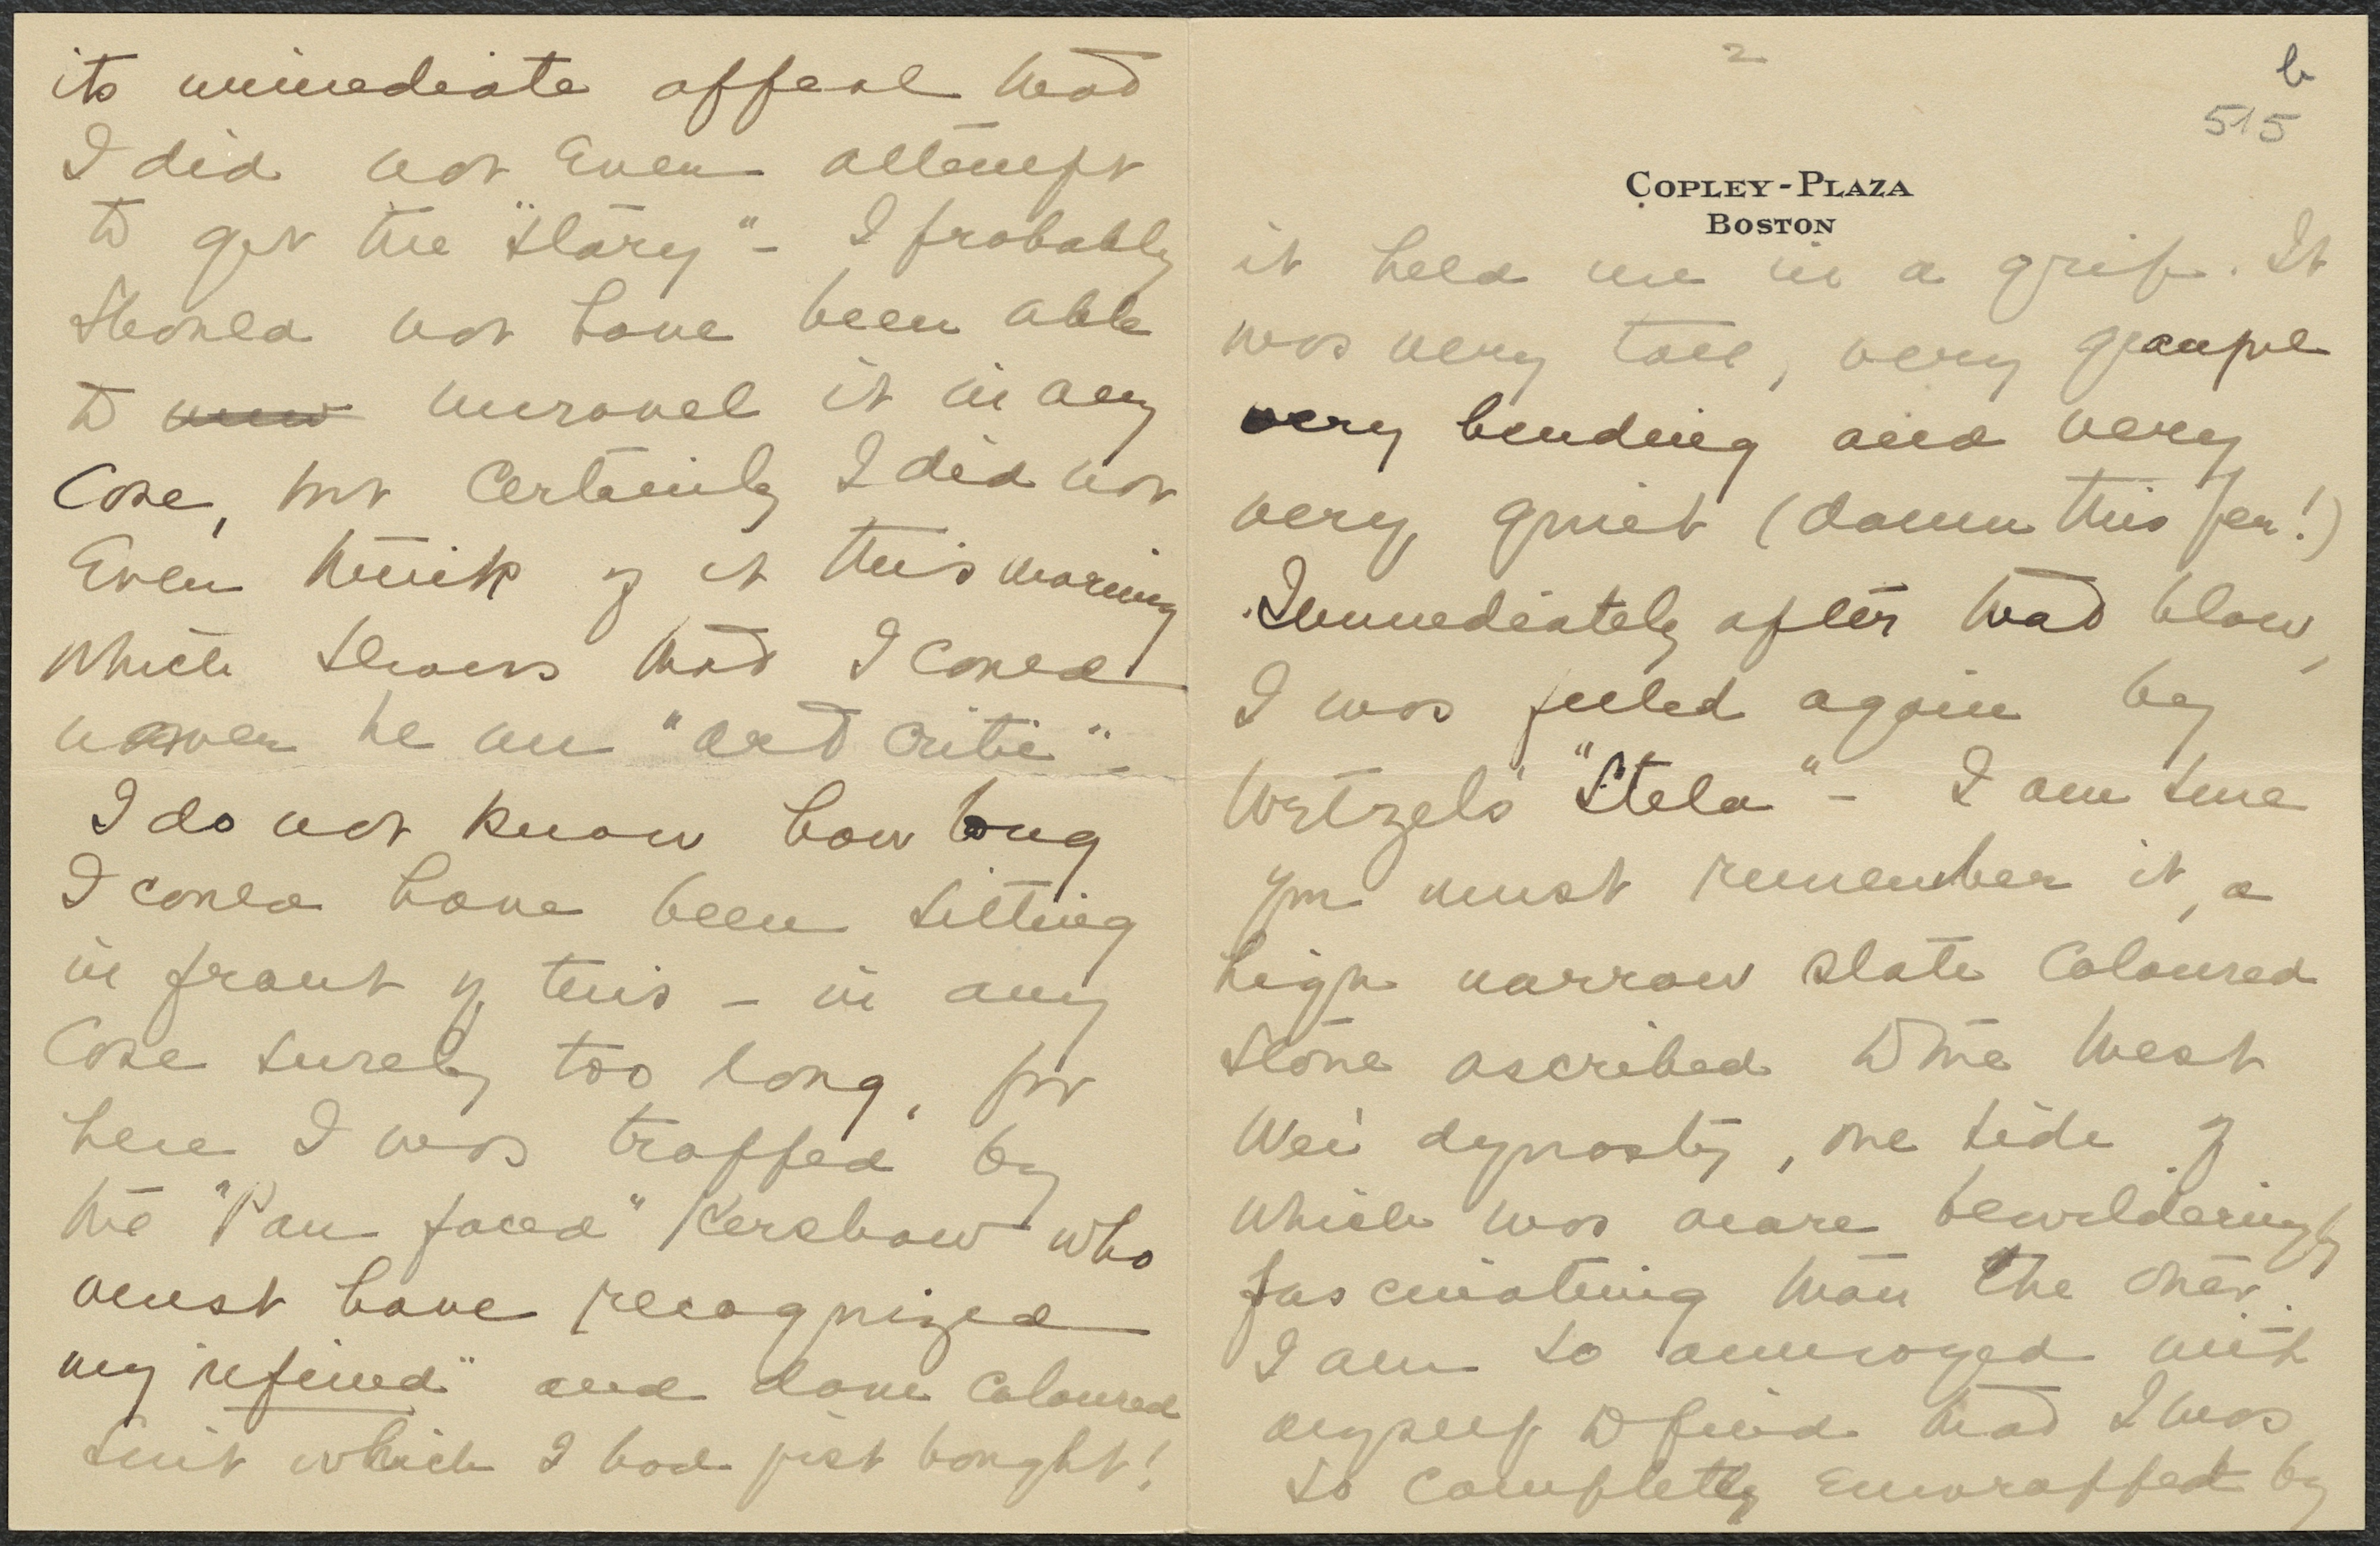it held me in a grip. It was very tall, very graceful very bending and very very quiet (damn this pen!) Immediately after that blow I was feeled again by Wetzel’s “Stela” – I am sure you must remember it, a high narrow slate coloured stone ascribed to the West Wei dynasty, one side of which was more bewilderingly fascinating than the other. I am so annoyed with myself to find that I was so completely enwrapped by
its immediate appeal that I did not even attempt to get the “story” – I probably should not have been able to unw unravel it in any case, but certainly I did not even think of it this morning which shows that I could never be an “art critic” – I do not know how long I could have been sitting in front of this – in any case surely too long, for here I was trapped by the “Pan faced” Kershaw – who must have recognized my “refined” and dove coloured suit which I had just bought!